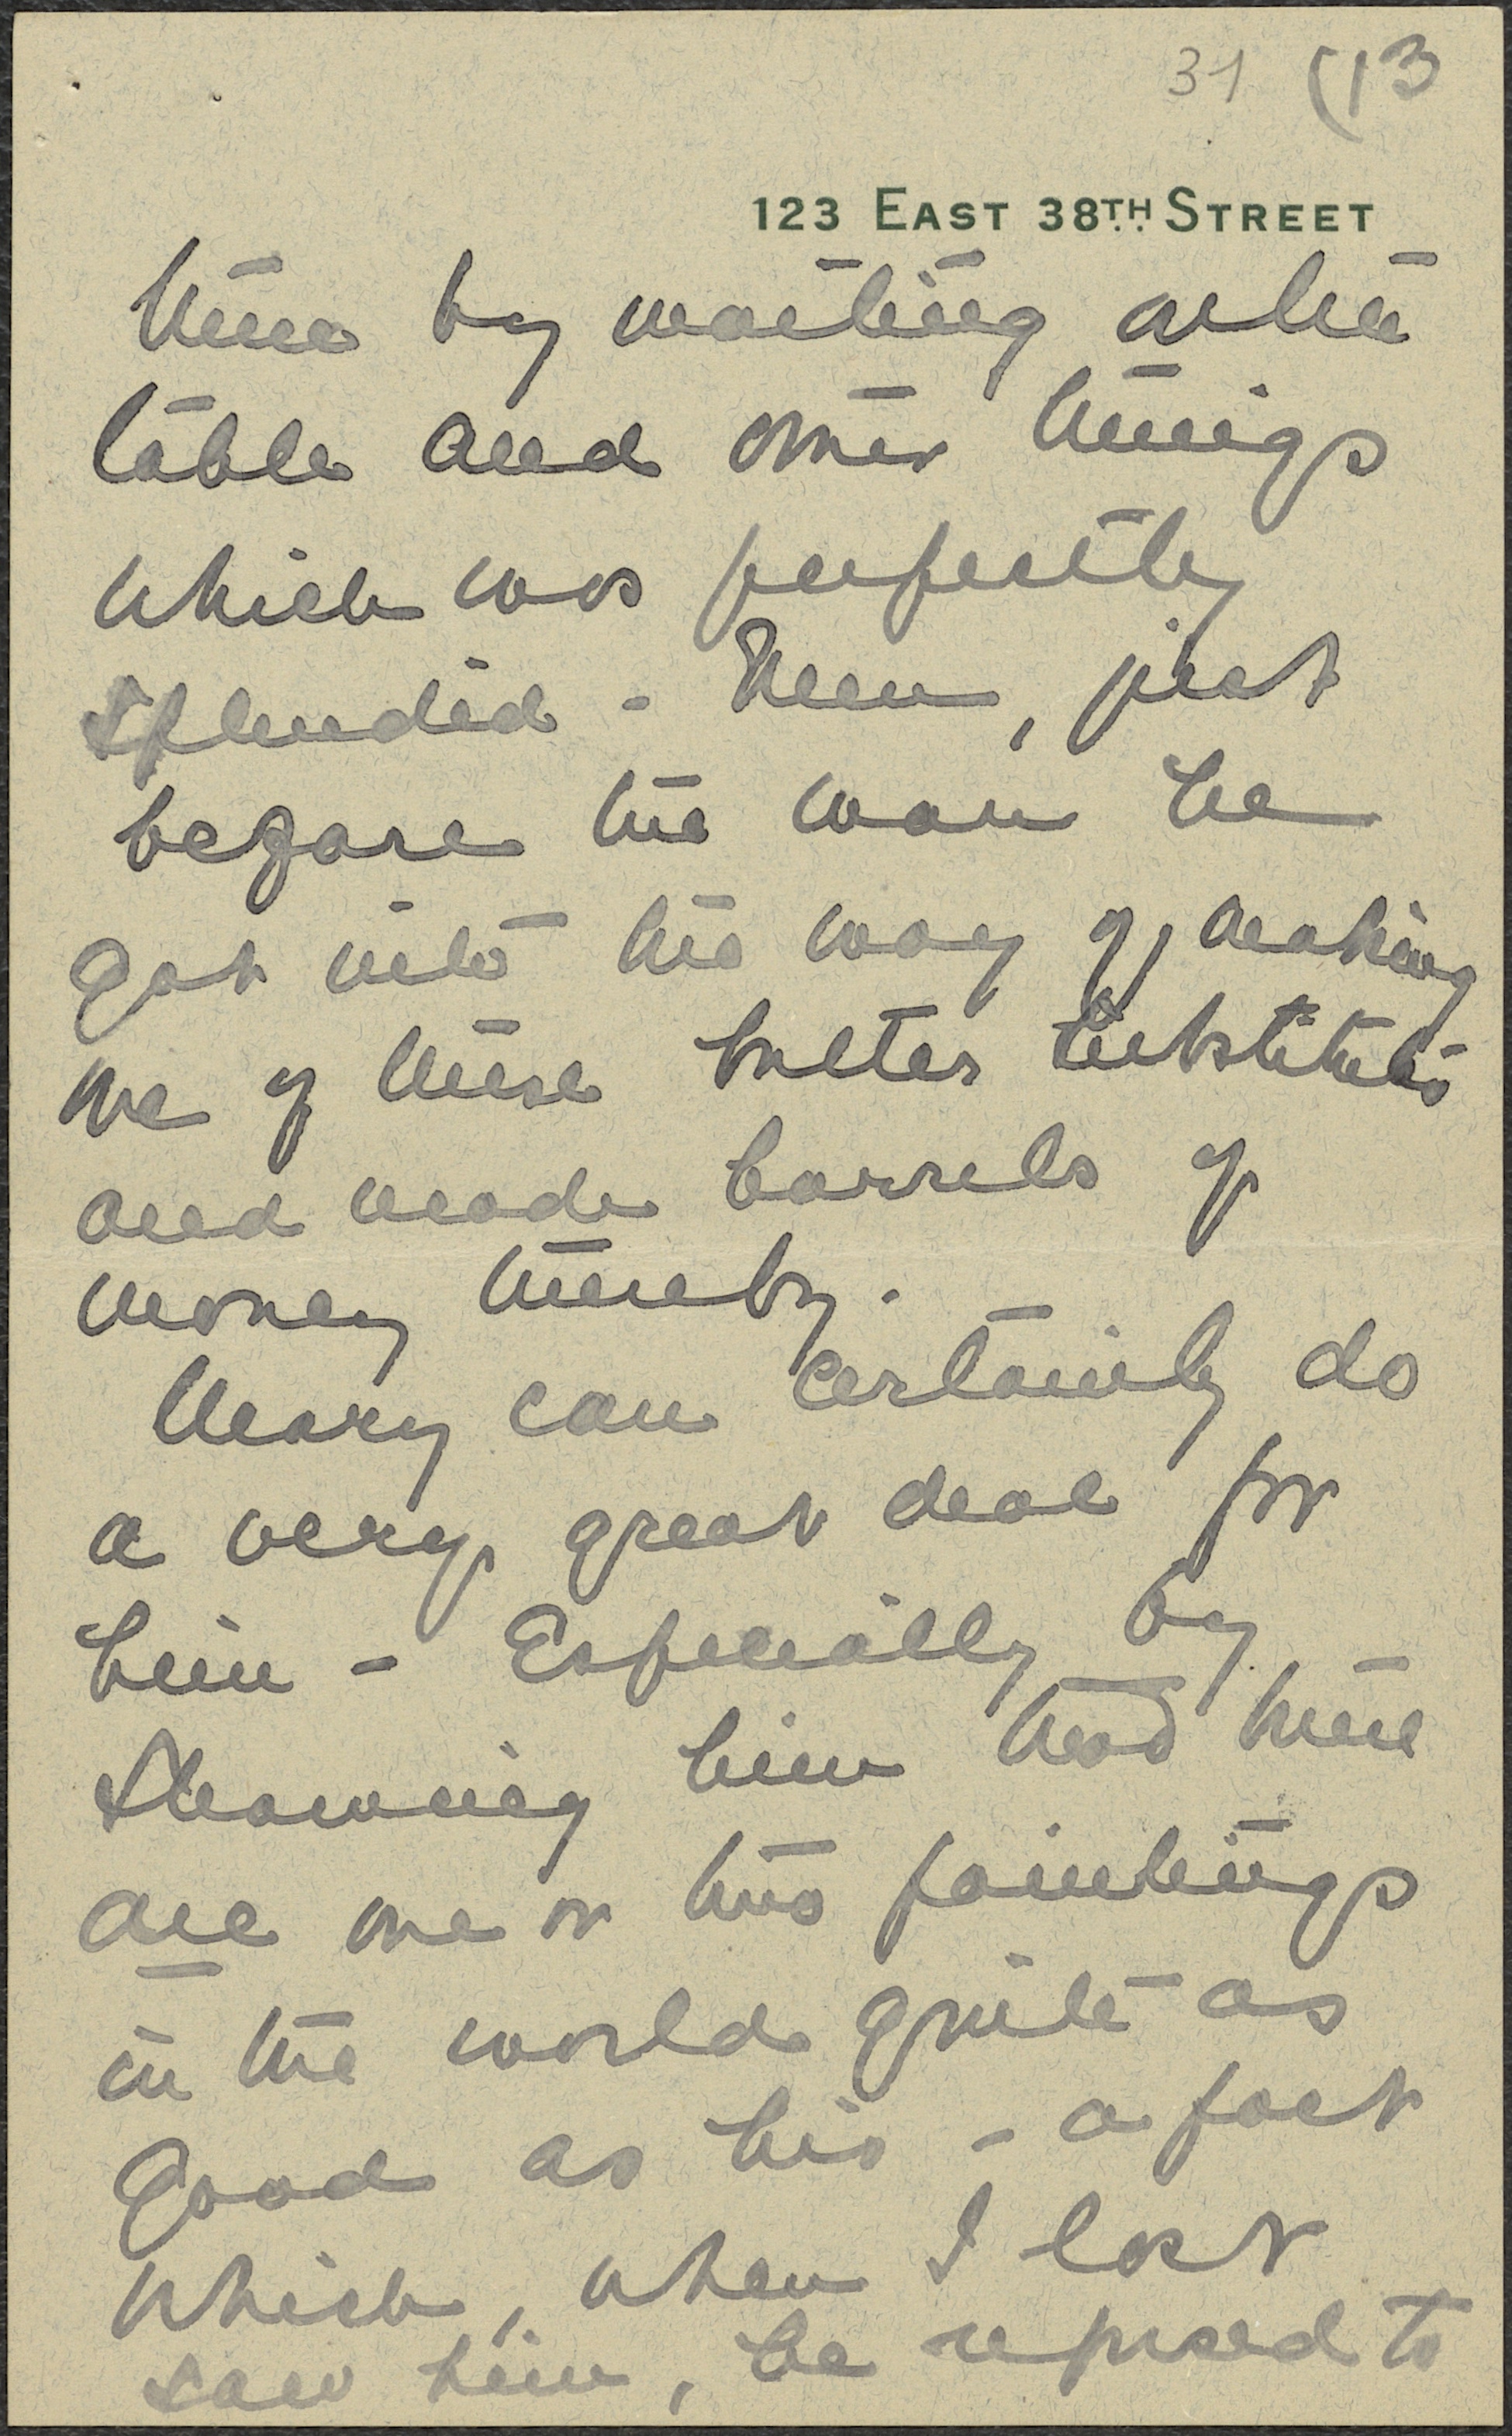there by waiting at the table and other things which was perfectly splendid – Then, just before the war he got into the way of making one of these butter substitutes and made barrels of money thereby.
Mary can certainly do a very great deal for him – especially by showing him that there are one or two paintings in the world quite as good as his – a fact which, when I last saw him, he refused to